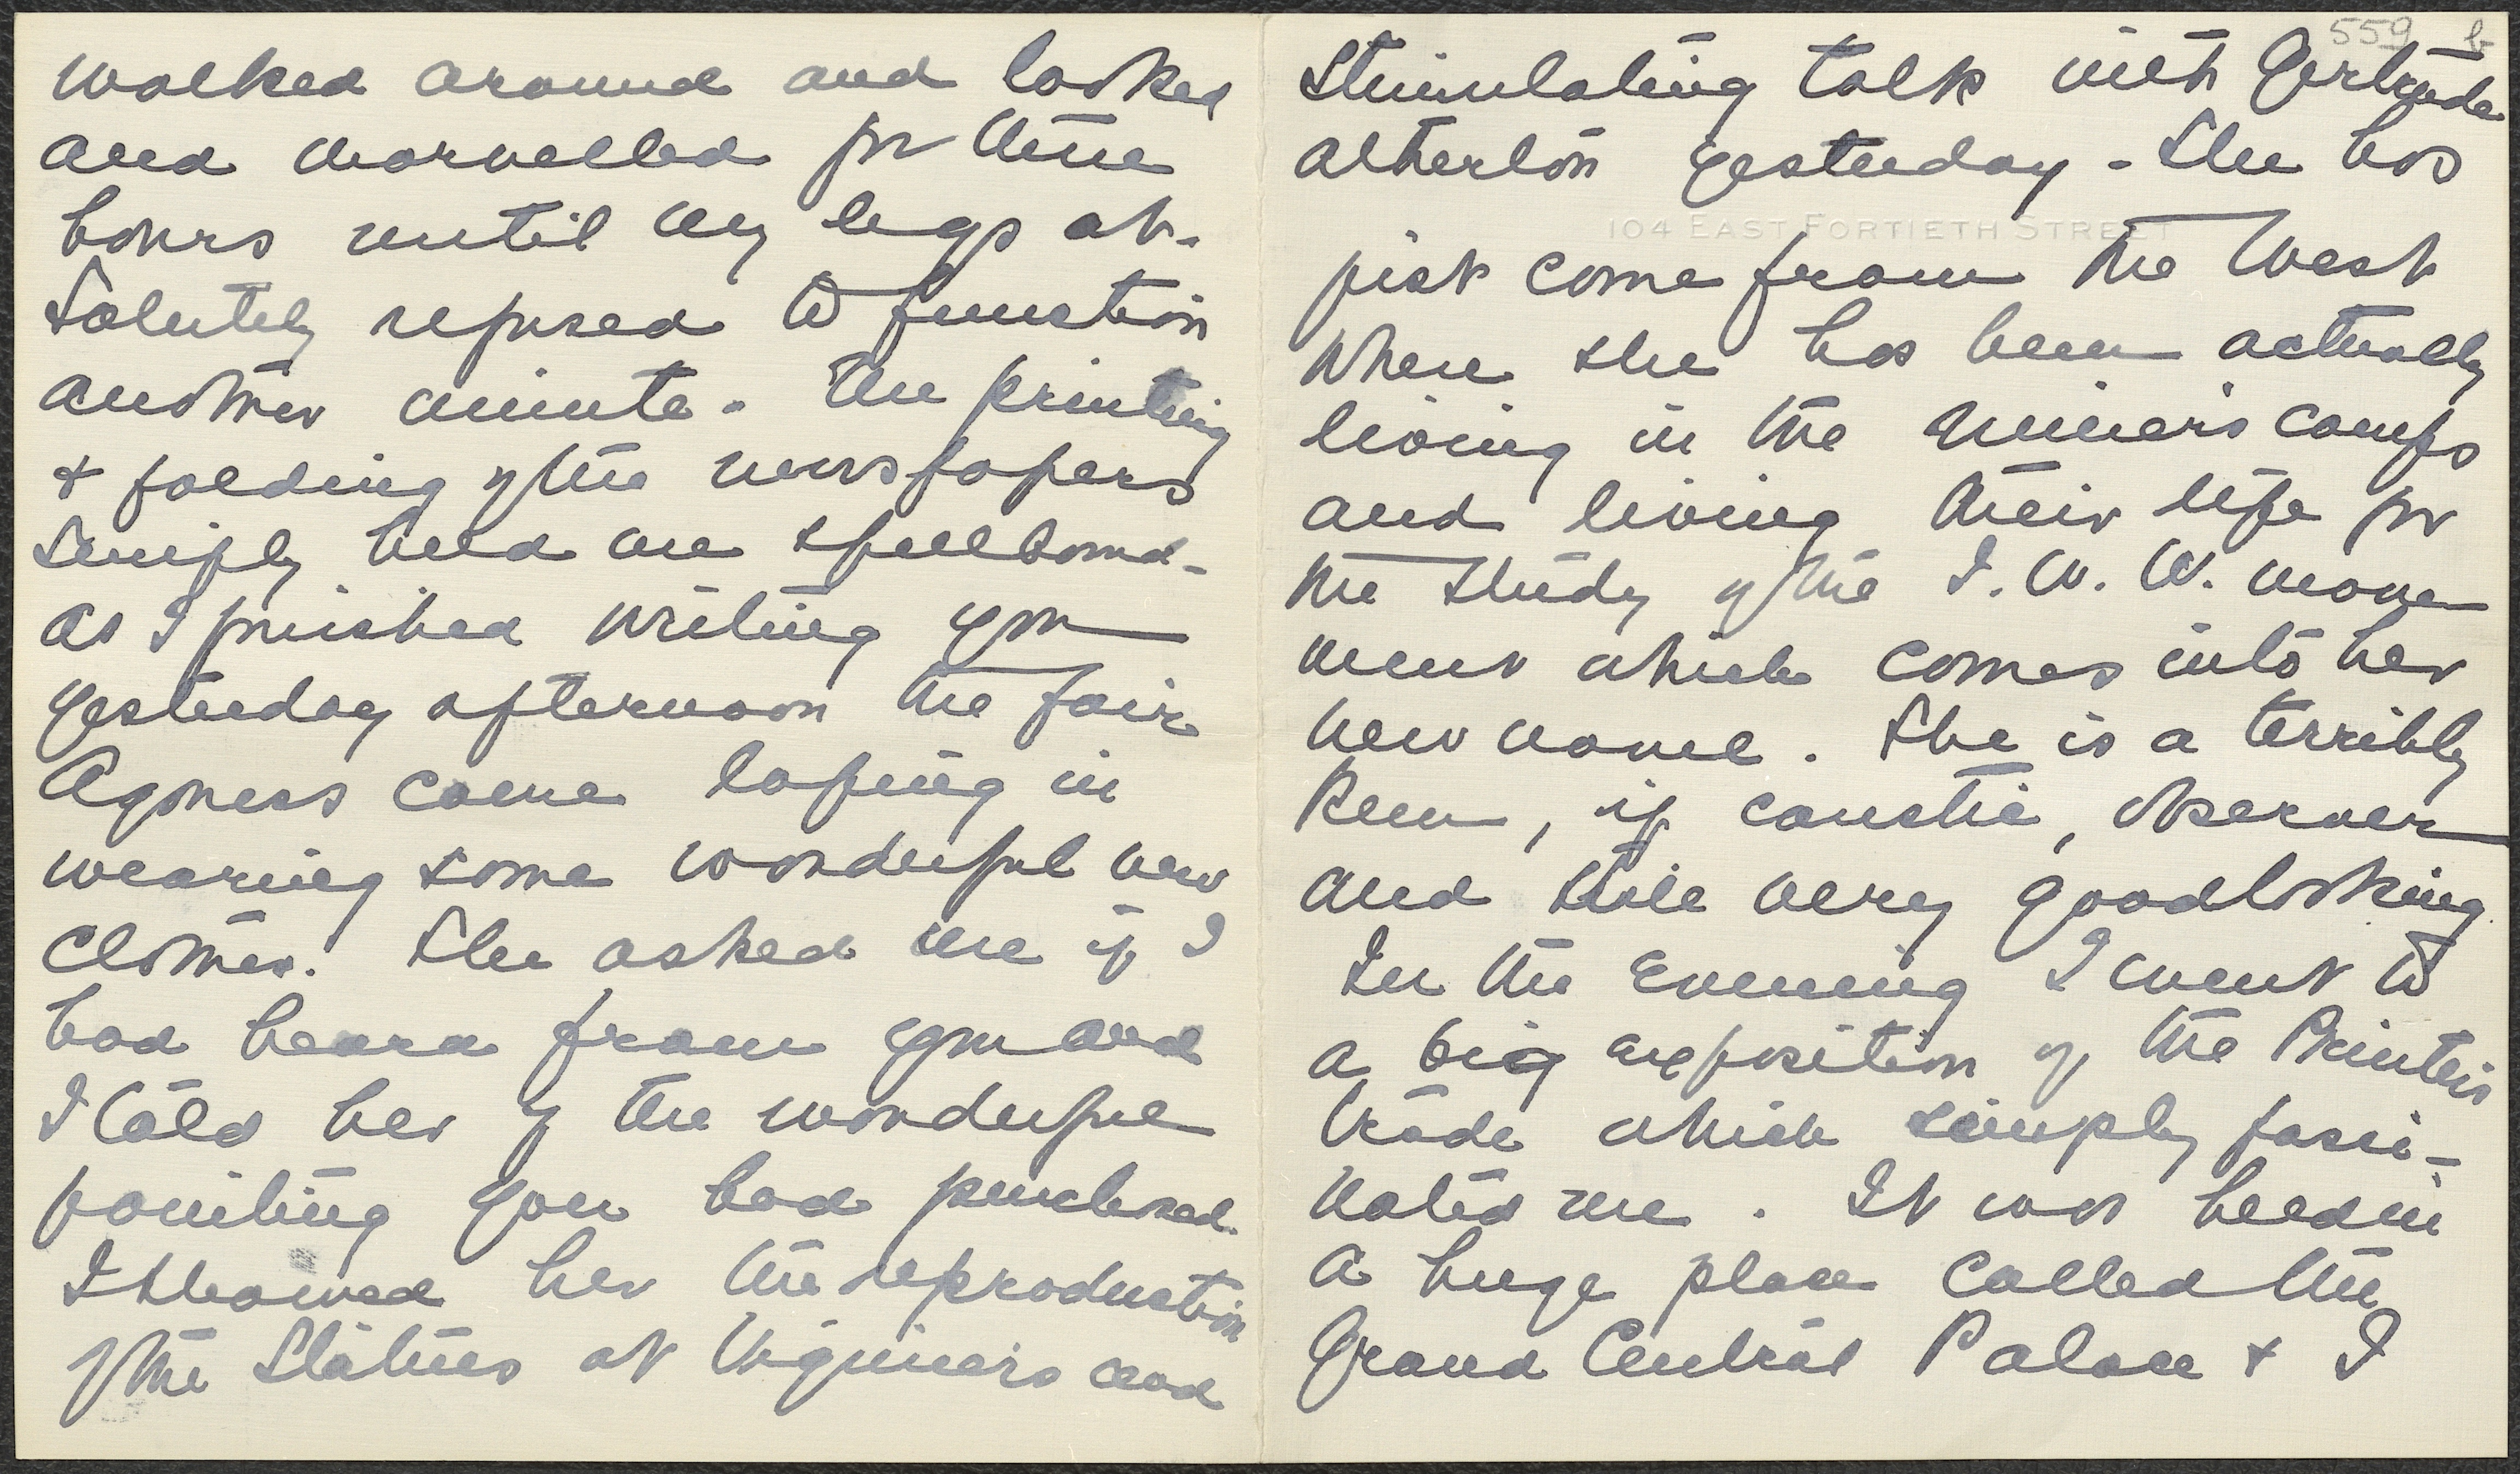stimulating talk with Gertrude Atherton yesterday – She has just come from the West where she has been actually living in the miner’s camps and living their life for the study of the I.W.W. movement which comes into her new novel. She is a terribly keen, if caustic, observer and still very goodlooking.
In the evening I went to a big exposition of the Printer’s Trade which simply fascinated me. It was held in a huge place called the Grand Central Palace & I
walked around and looked and marvelled for three hours until my legs absolutely refused to function another minute – The printing & folding of the newspapers simply held me spellbound – as I finished writing you yesterday afternoon the fair Agoness came loping in wearing some wonderful new clothes. She asked me if I had heard from you and I told her of the wonderful painting you had purchased. I showed her the reproduction of the Statues at Vignier’s and